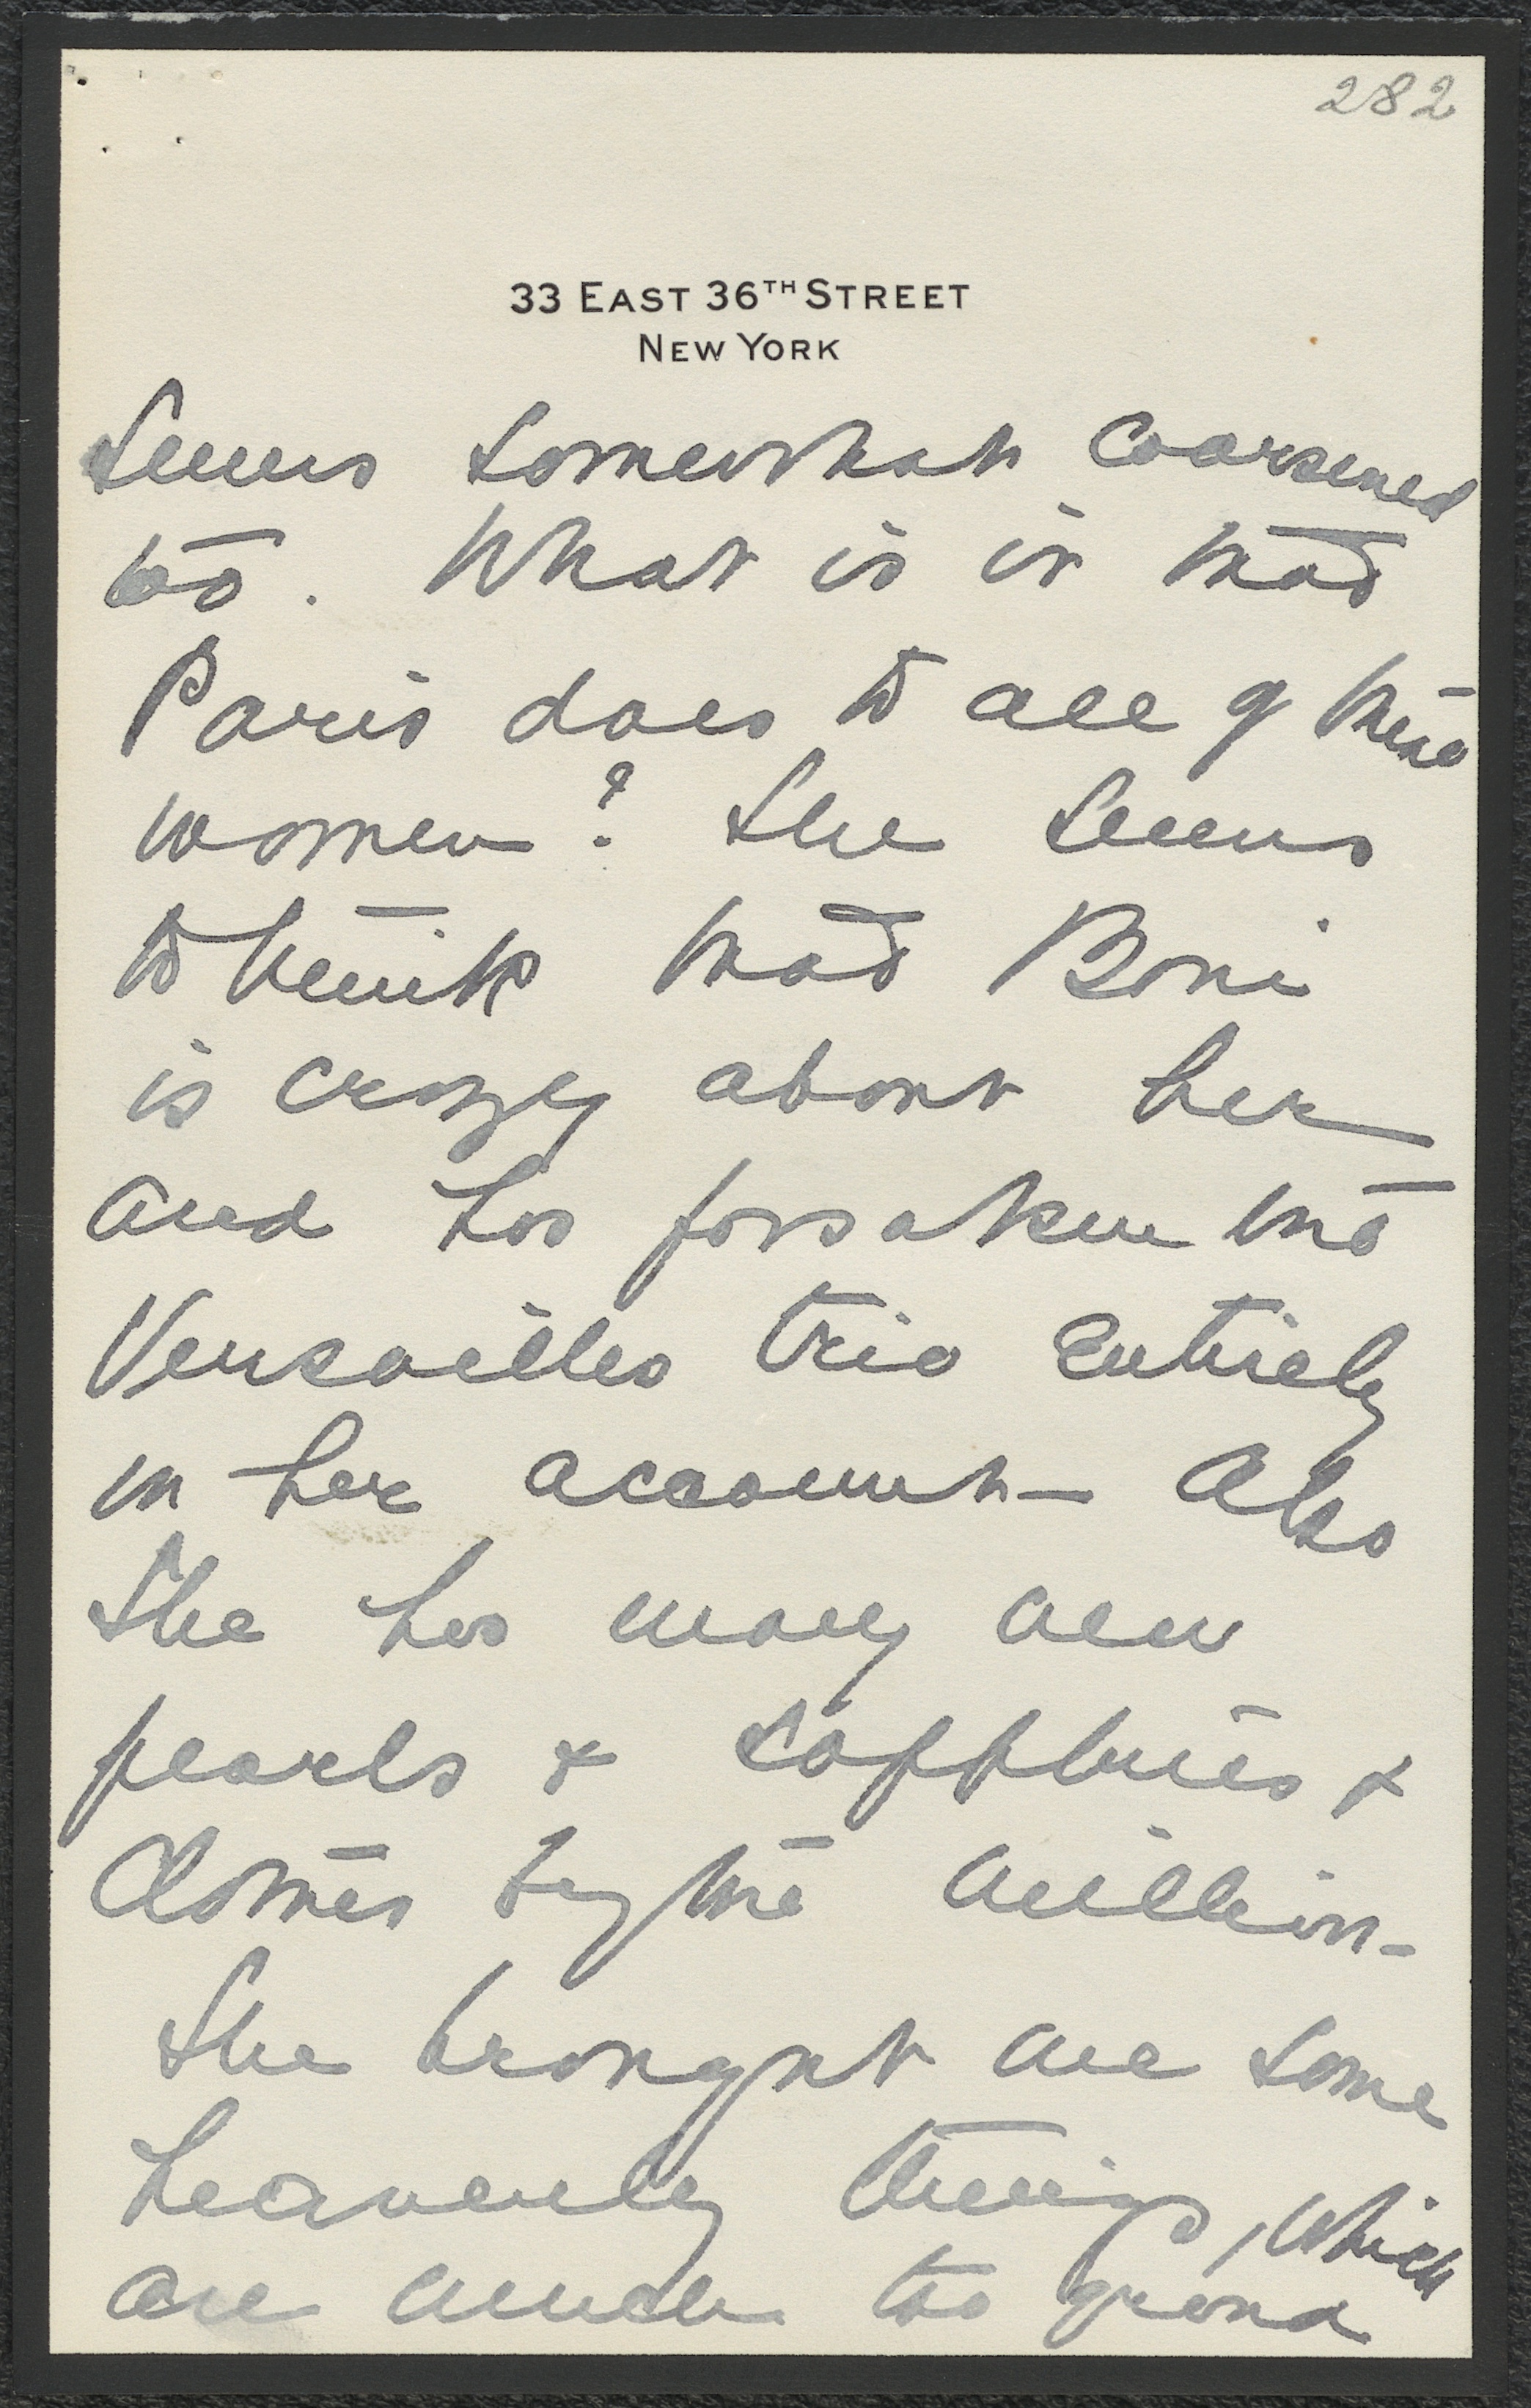seems somewhat coarsened too. What is it that Paris does to all of these women? She seems to think that Boni is crazy about her and has forsaken the Versailles trio entirely on her account – Also she has many new pearls & sapphires & clothes by the million –
She brought me some heavenly things, which are much too grand